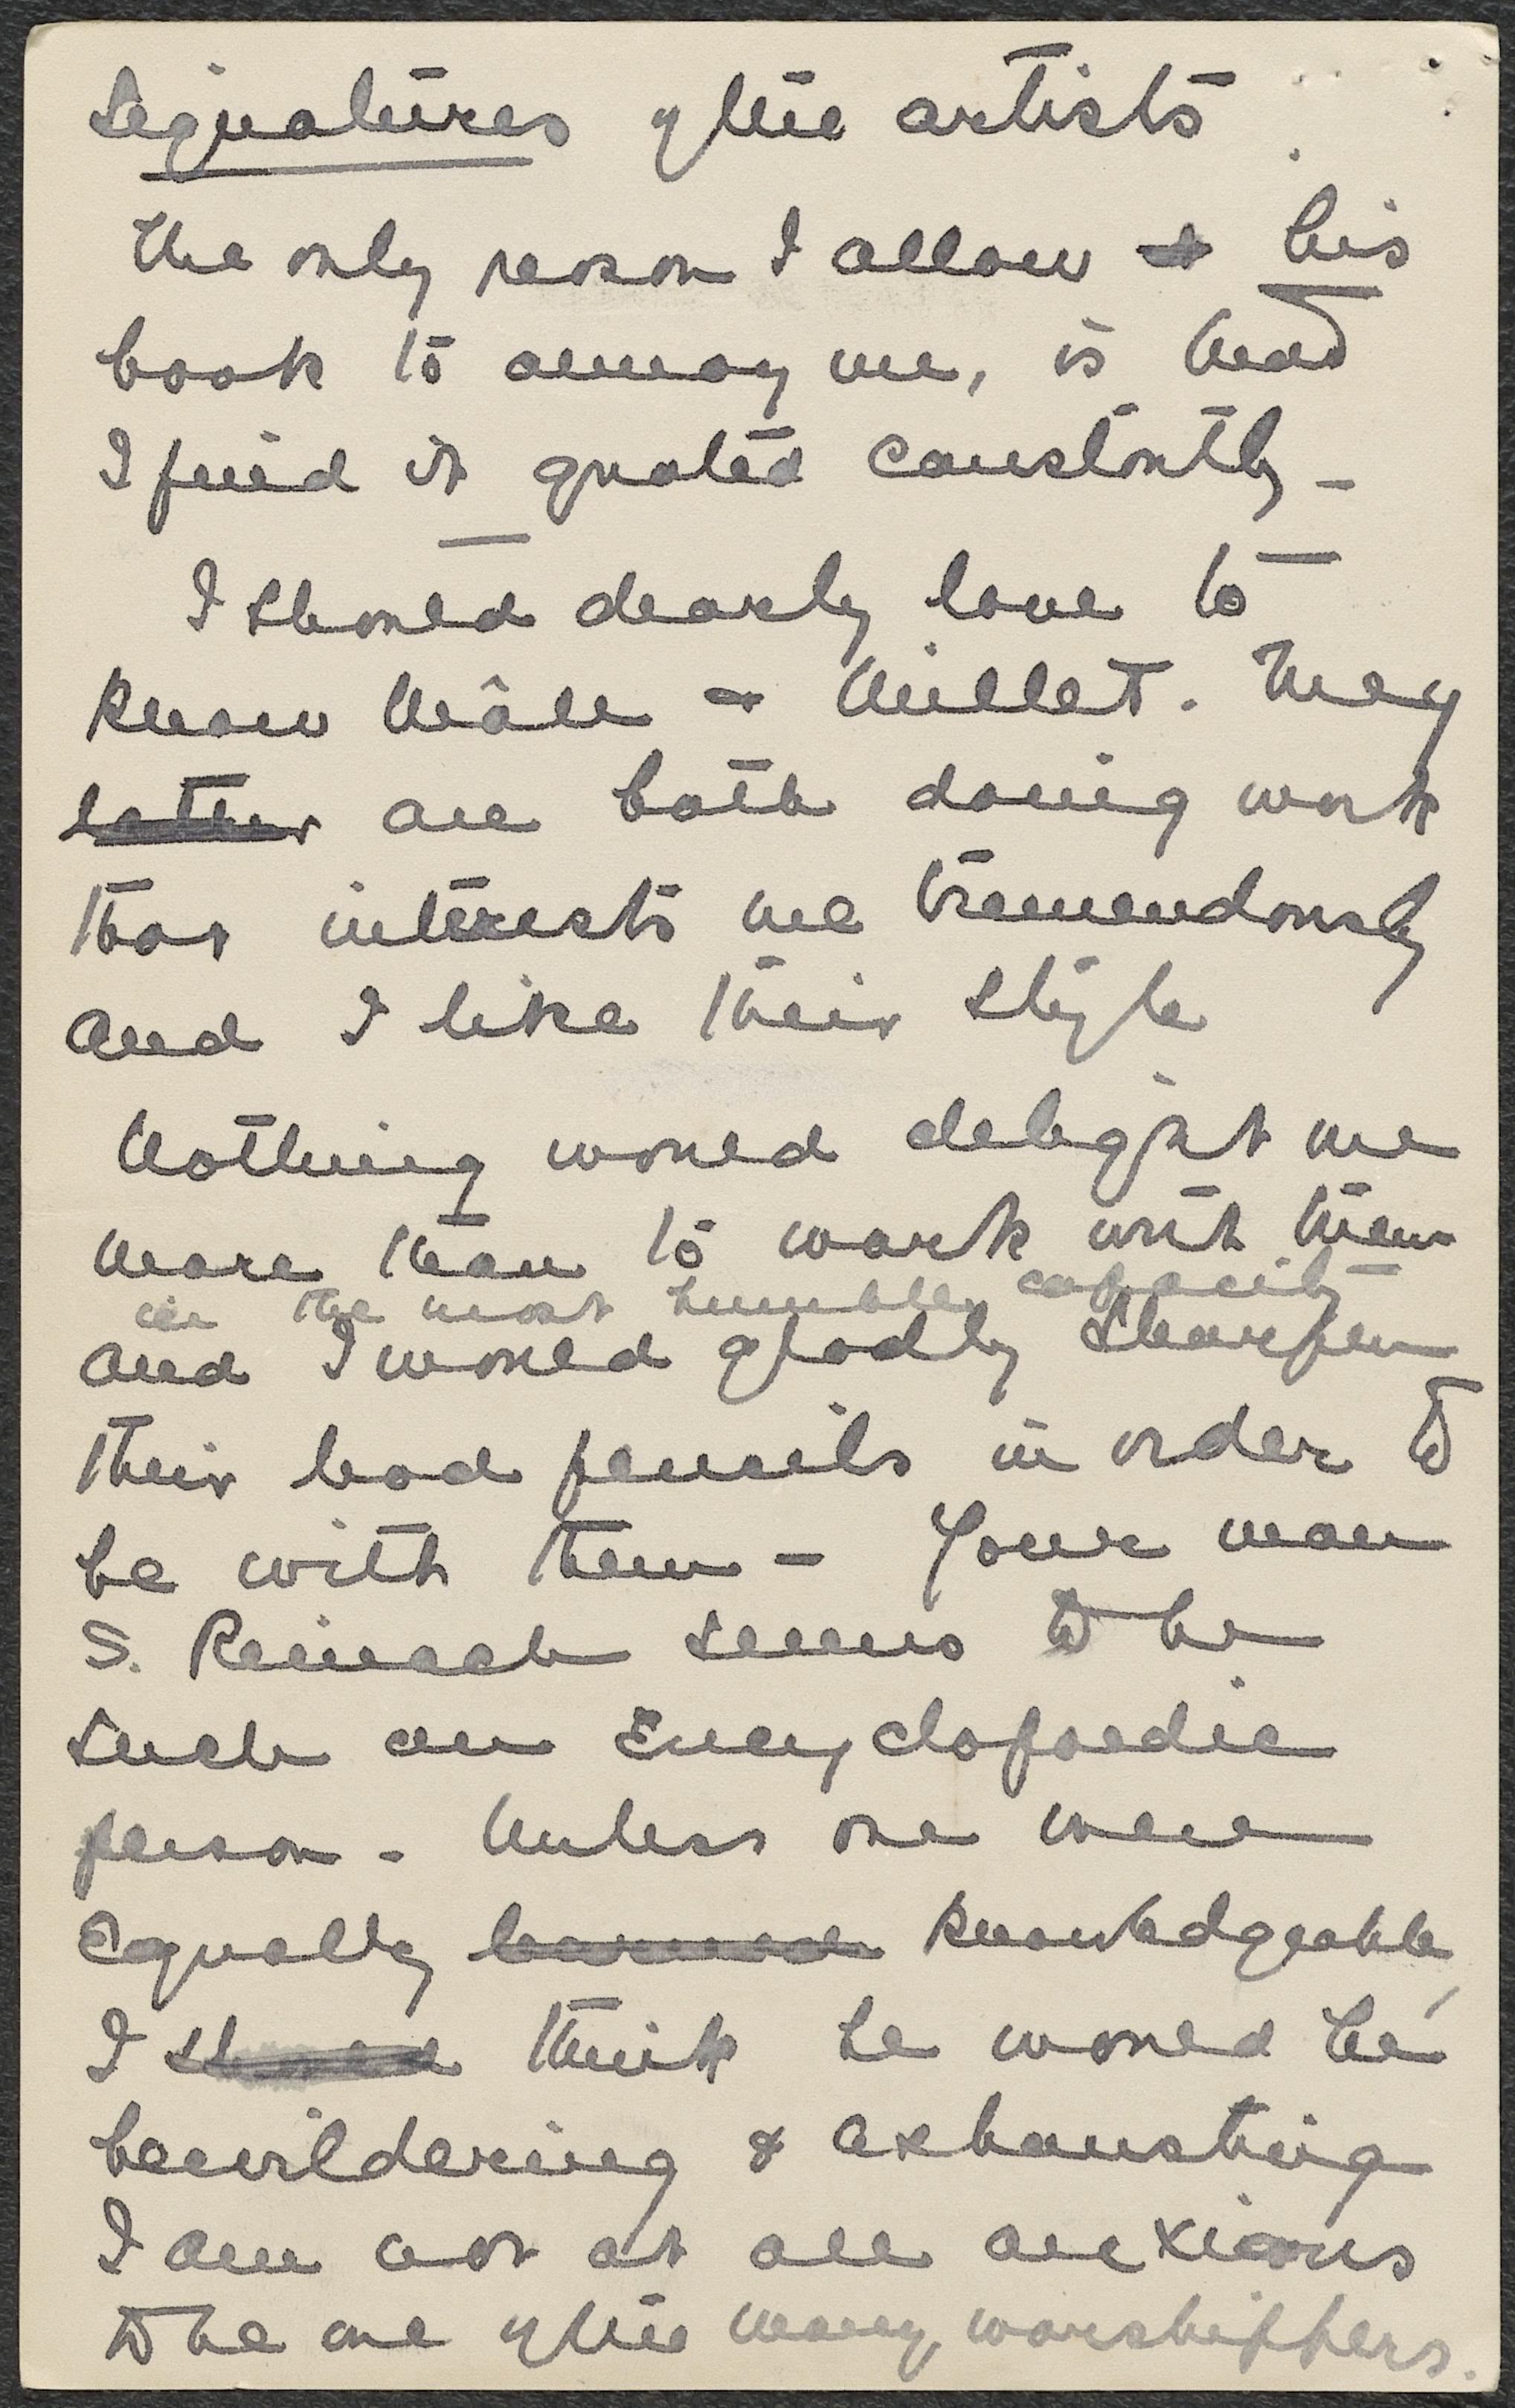signatures of the artists
The only reason I allow & his book to annoy me, is that I find it quoted constantly –
I should dearly love to know Môll & Millet. They bother are both doing work that interests me tremendously and I like their style
Nothing would delight me more than to work with them [^in the most humble capacity^] and I would gladly sharpen their bad pencils in order to be with them – Your man S. Reinach seems to be such an Encyclopedia person – Unless one were equally learned knowledgeable I should think he would be bewildering & exhausting I am not at all anxious to be one of the many worshippers.